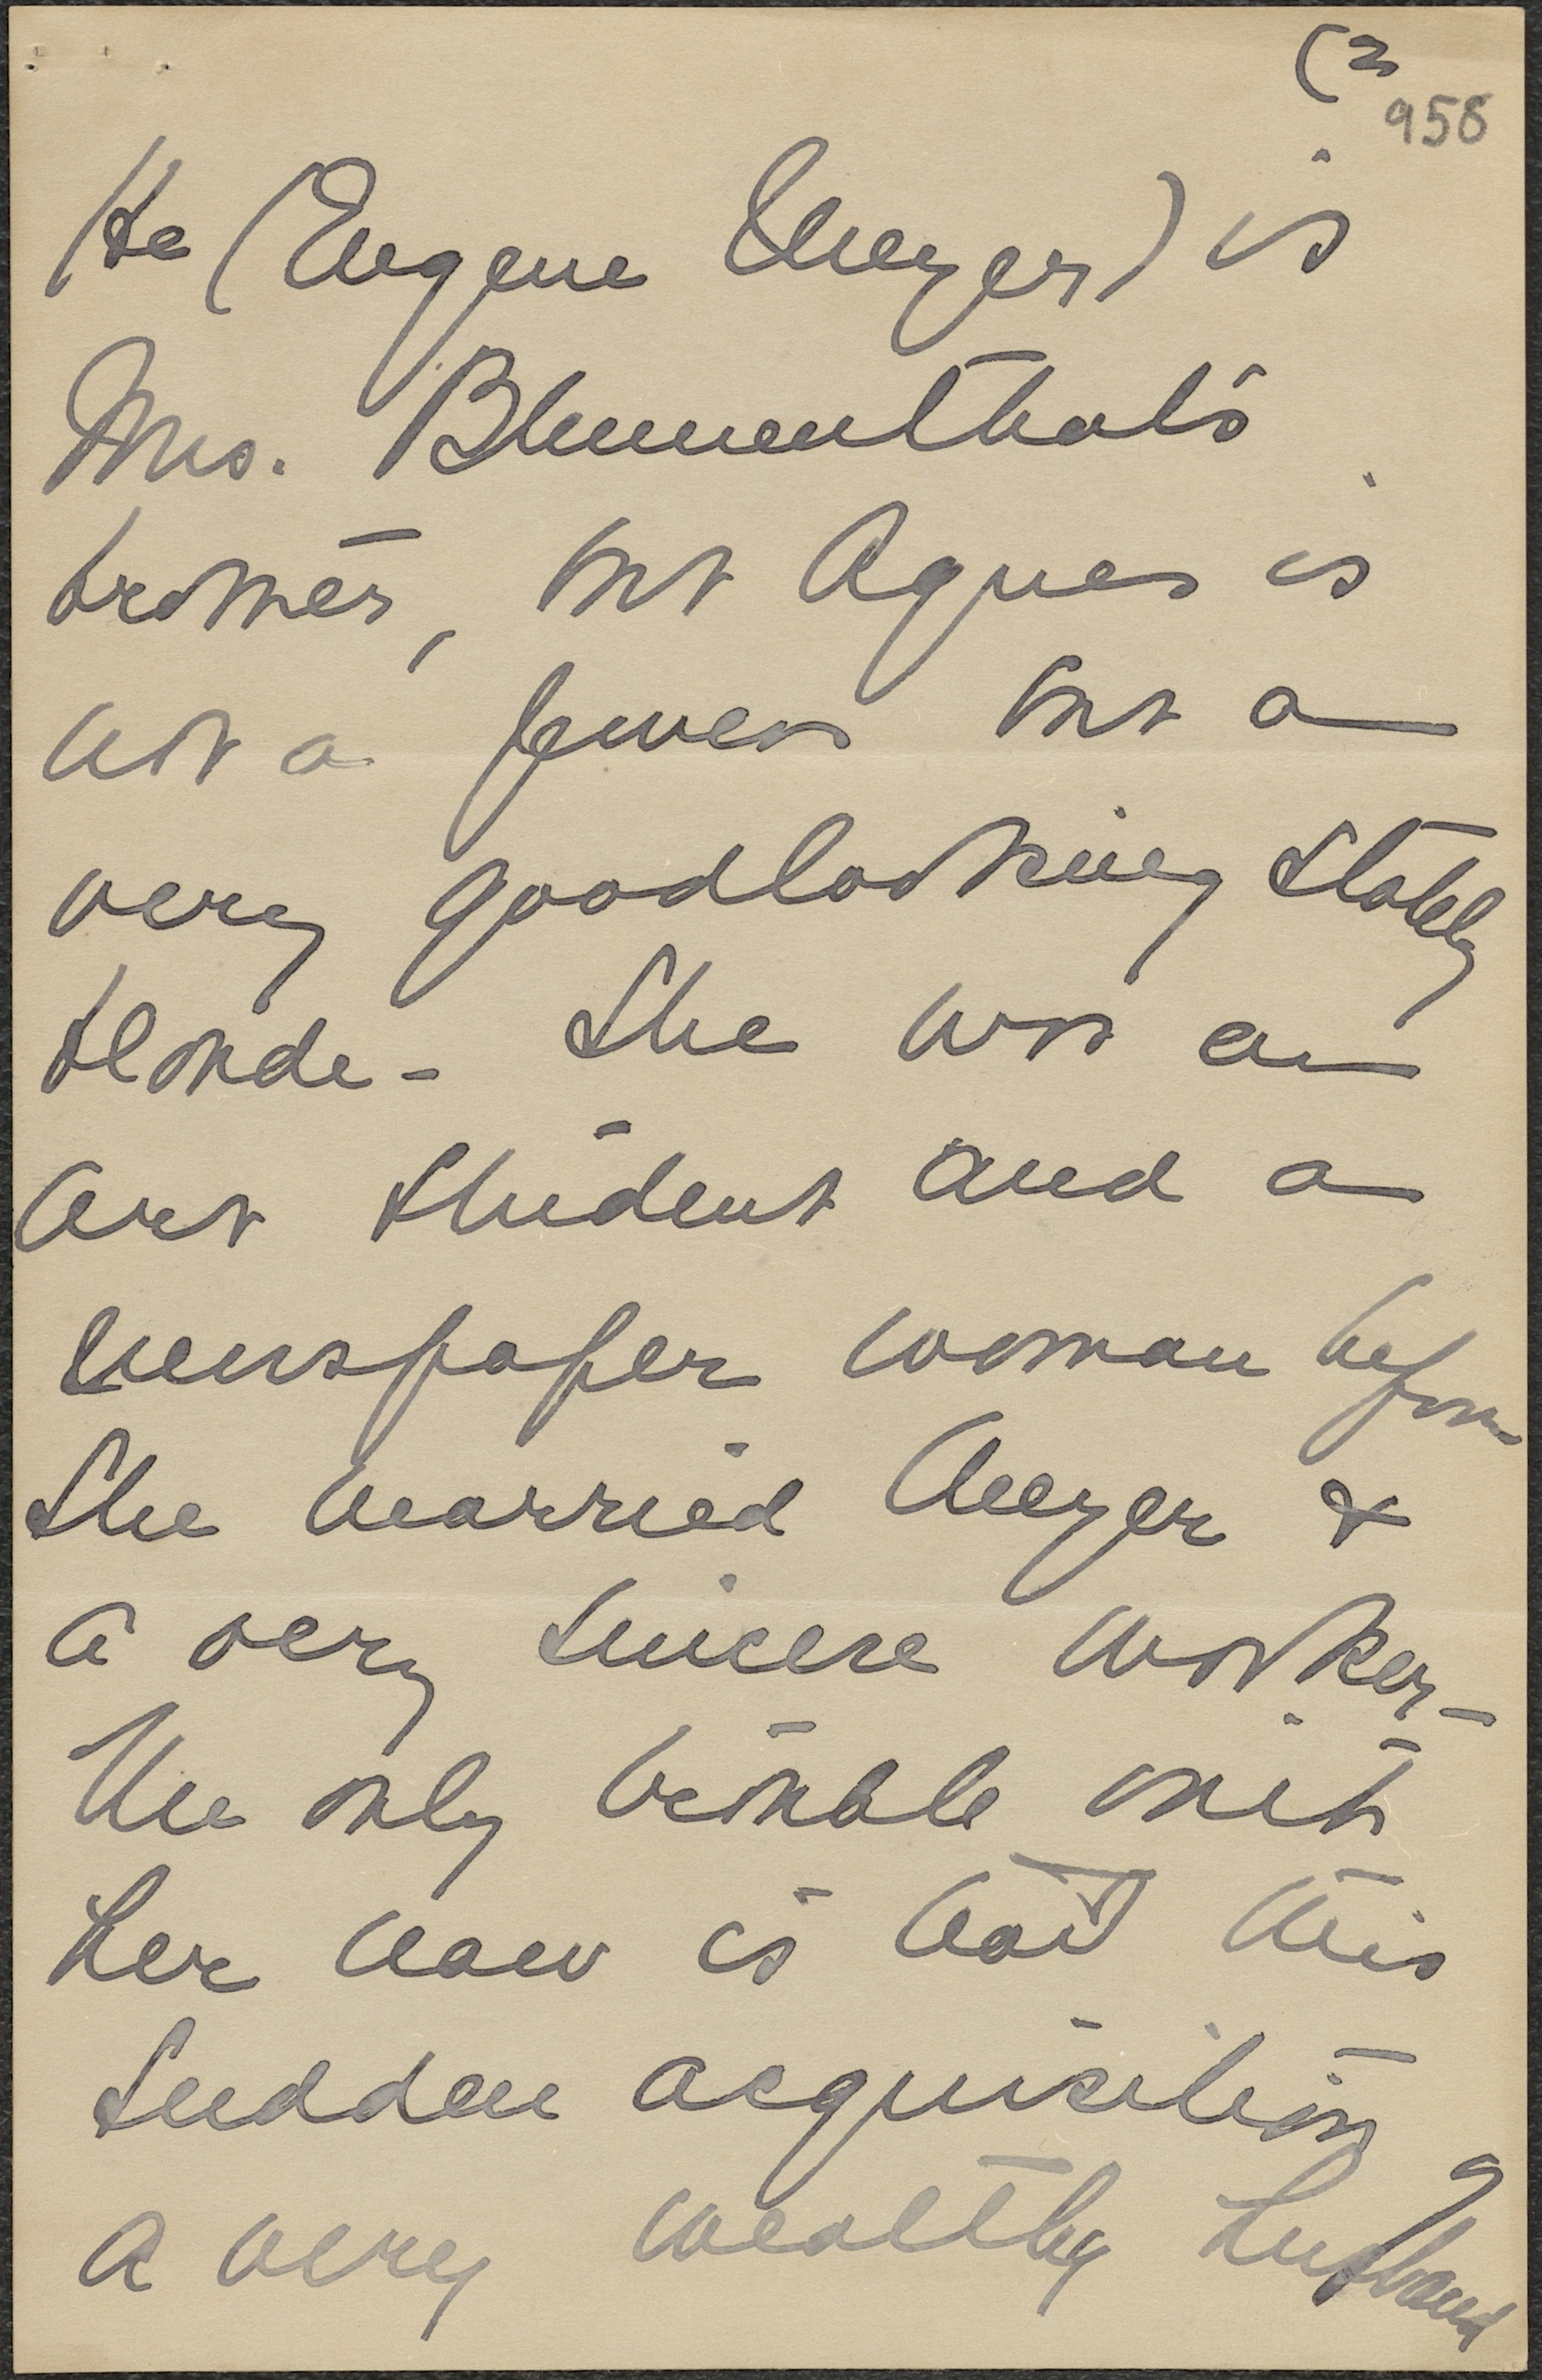He (Eugene Meyer) is Mrs. Blumenthal’s brother, but Agnes is not a Jewess but a very goodlooking stately blonde – She was an art student and a newspaper woman before she married Meyer & a very sincere worker – The only trouble with her now is that this sudden acquisition of a very wealthy husband